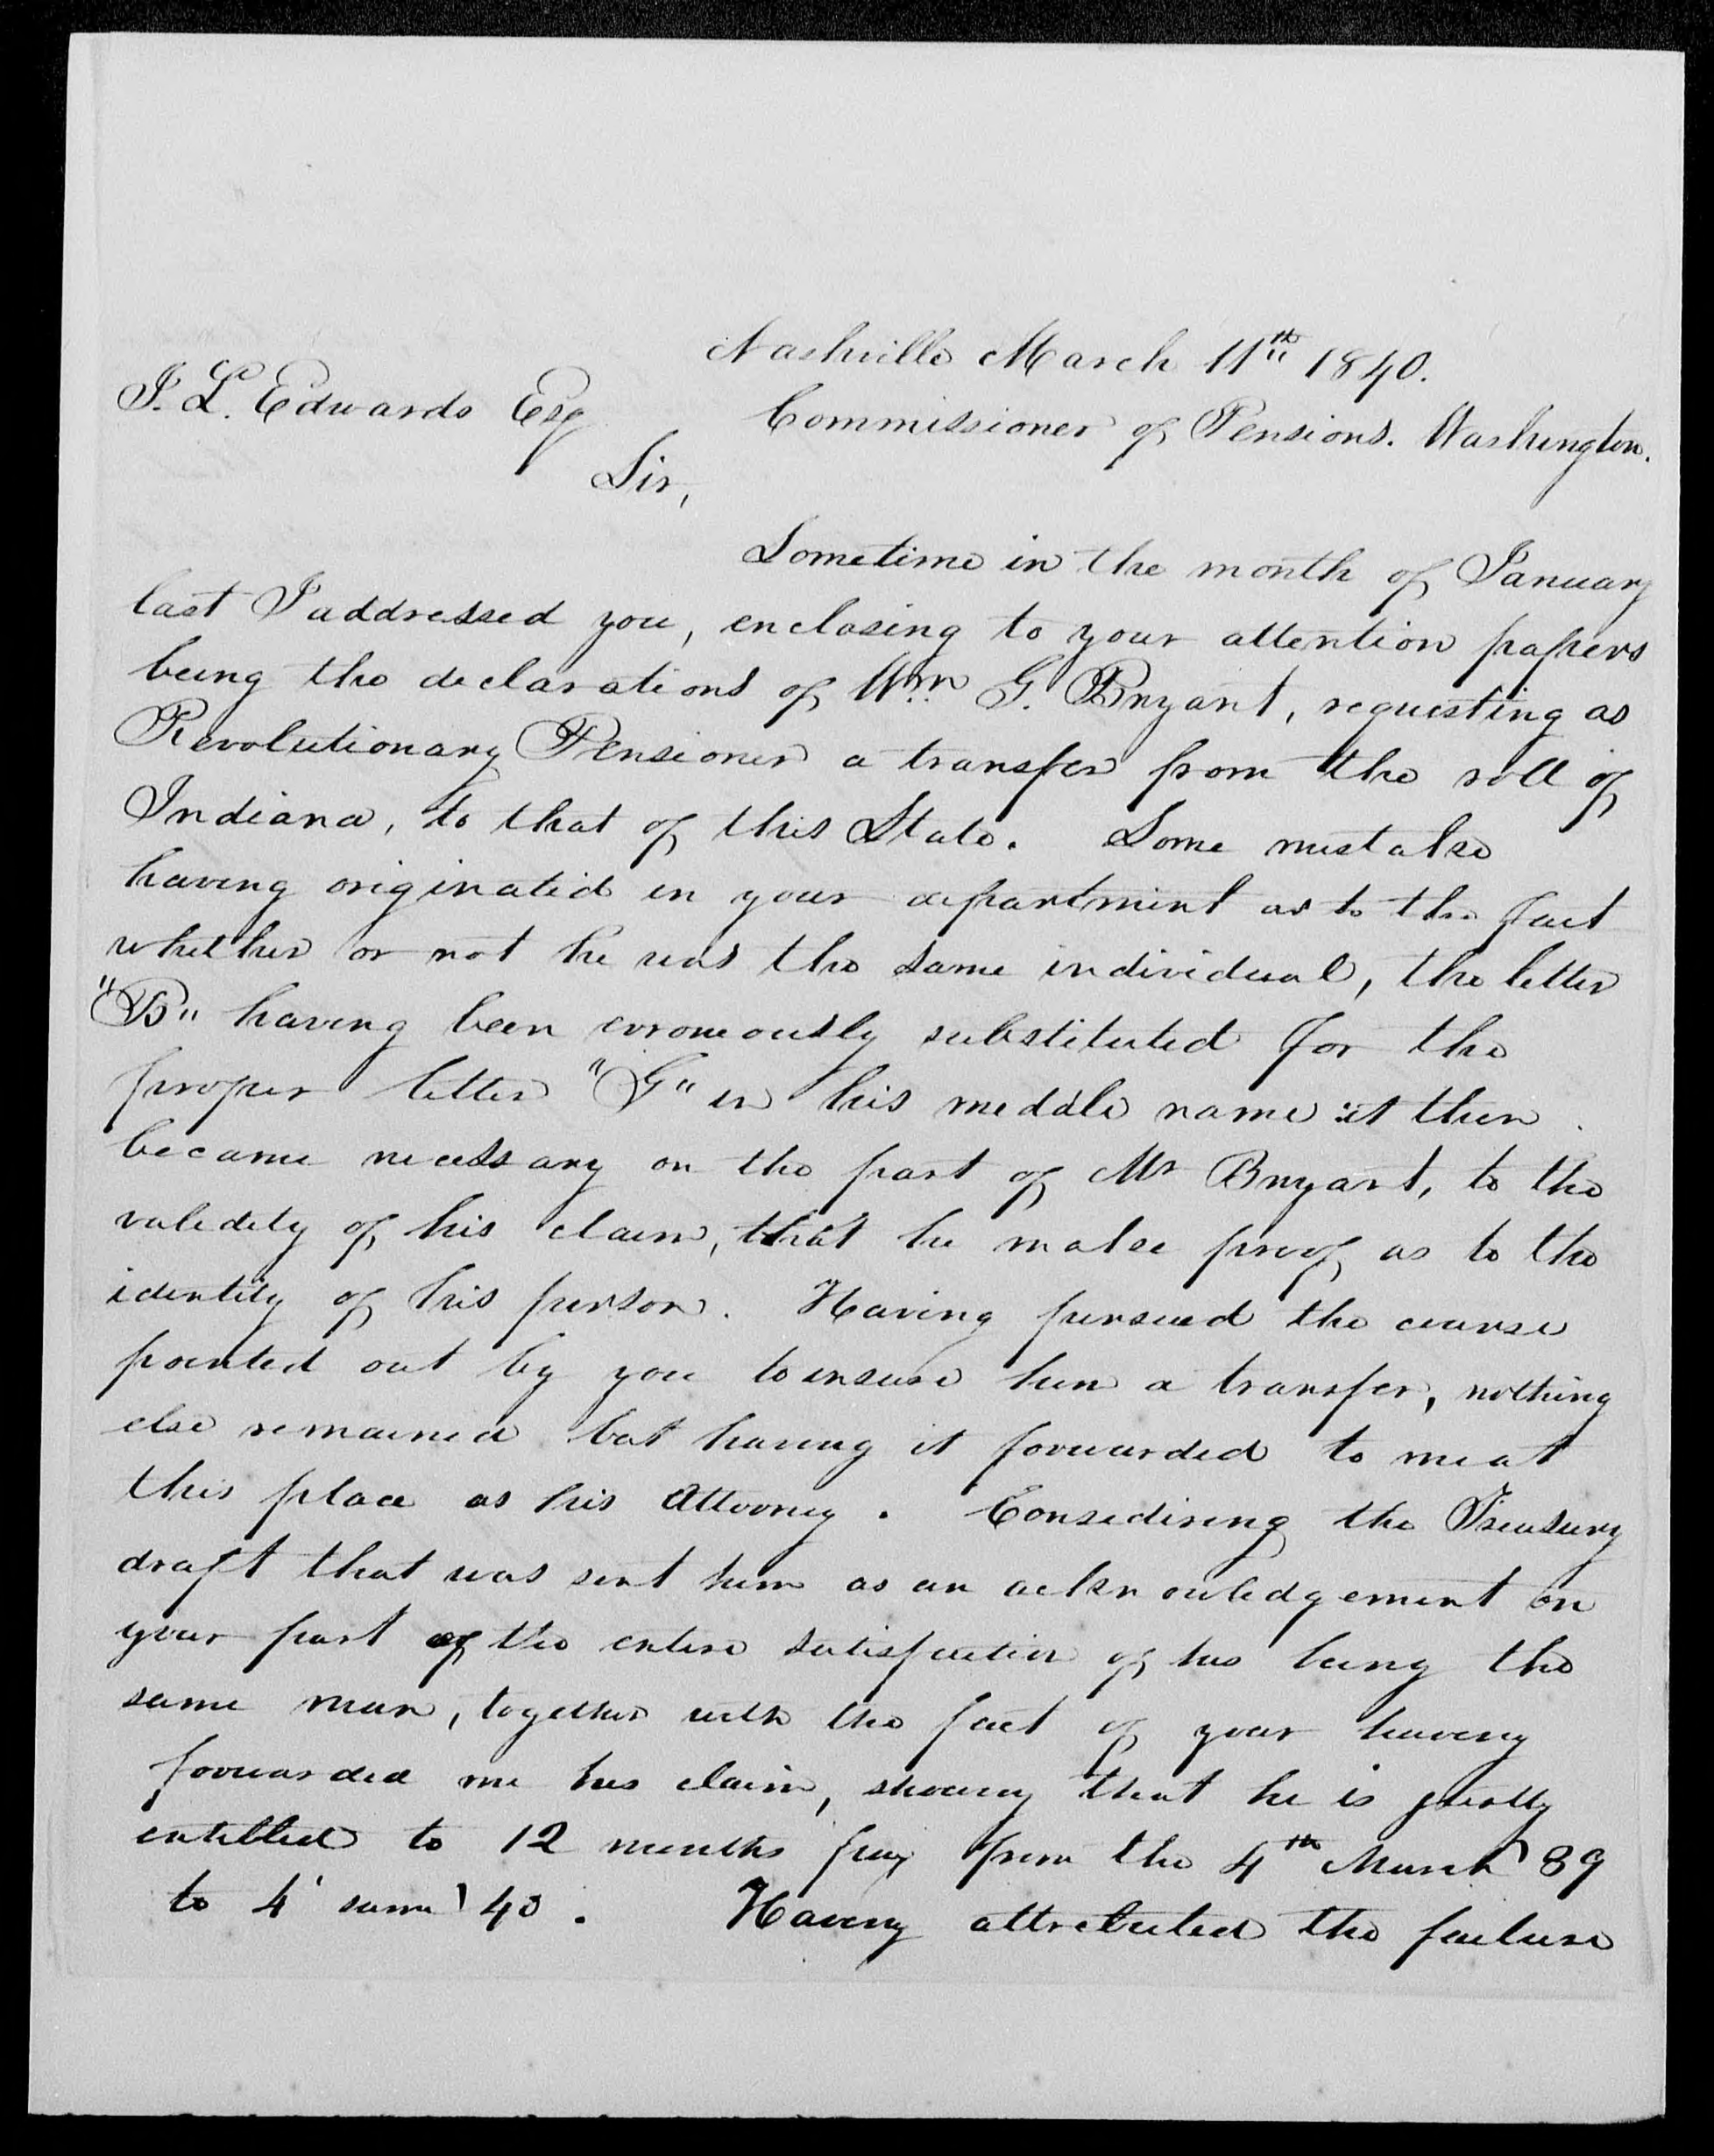Nashville March 11th 1840

J.L. Edwards Esq.  Commissioner of pensions, Washington

Sir,
Sometime in the month of January last I addressed you, enclosing to your attention papers being the declaration of Wm. G. Bryant, requesting as Revolutionary Pensioner a transfer from the roll of Indiana, to that of this State.  Some mistake having originated in your department as to the fact whether or not he was the same individual, the letter "B" having been erroneously substituted for the proper letter "G" in his middle name it then became necessary on the part of Mr. Bryant, to the validity of his claim, that he make proof, as to the identify of his person.  Having pursued the course pointed out by you to insure him a transfer, nothing else remained but having it forwarded to me at this place as his attorney.  Considering the Treasury draft that was sent him as an acknowledgement on your part of the entire satisfaction of his being the same man, together with the face of your having forwarded me his claim, showing that he is finally entitled to 12 months pay from the 4th of March '39 to 4' same' 40.  Having attributed the failure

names: Wm G Bryant, Bryant, J L Edwards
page: 27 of 31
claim: survivor's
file: S. 3049, William G Bryant, Va.